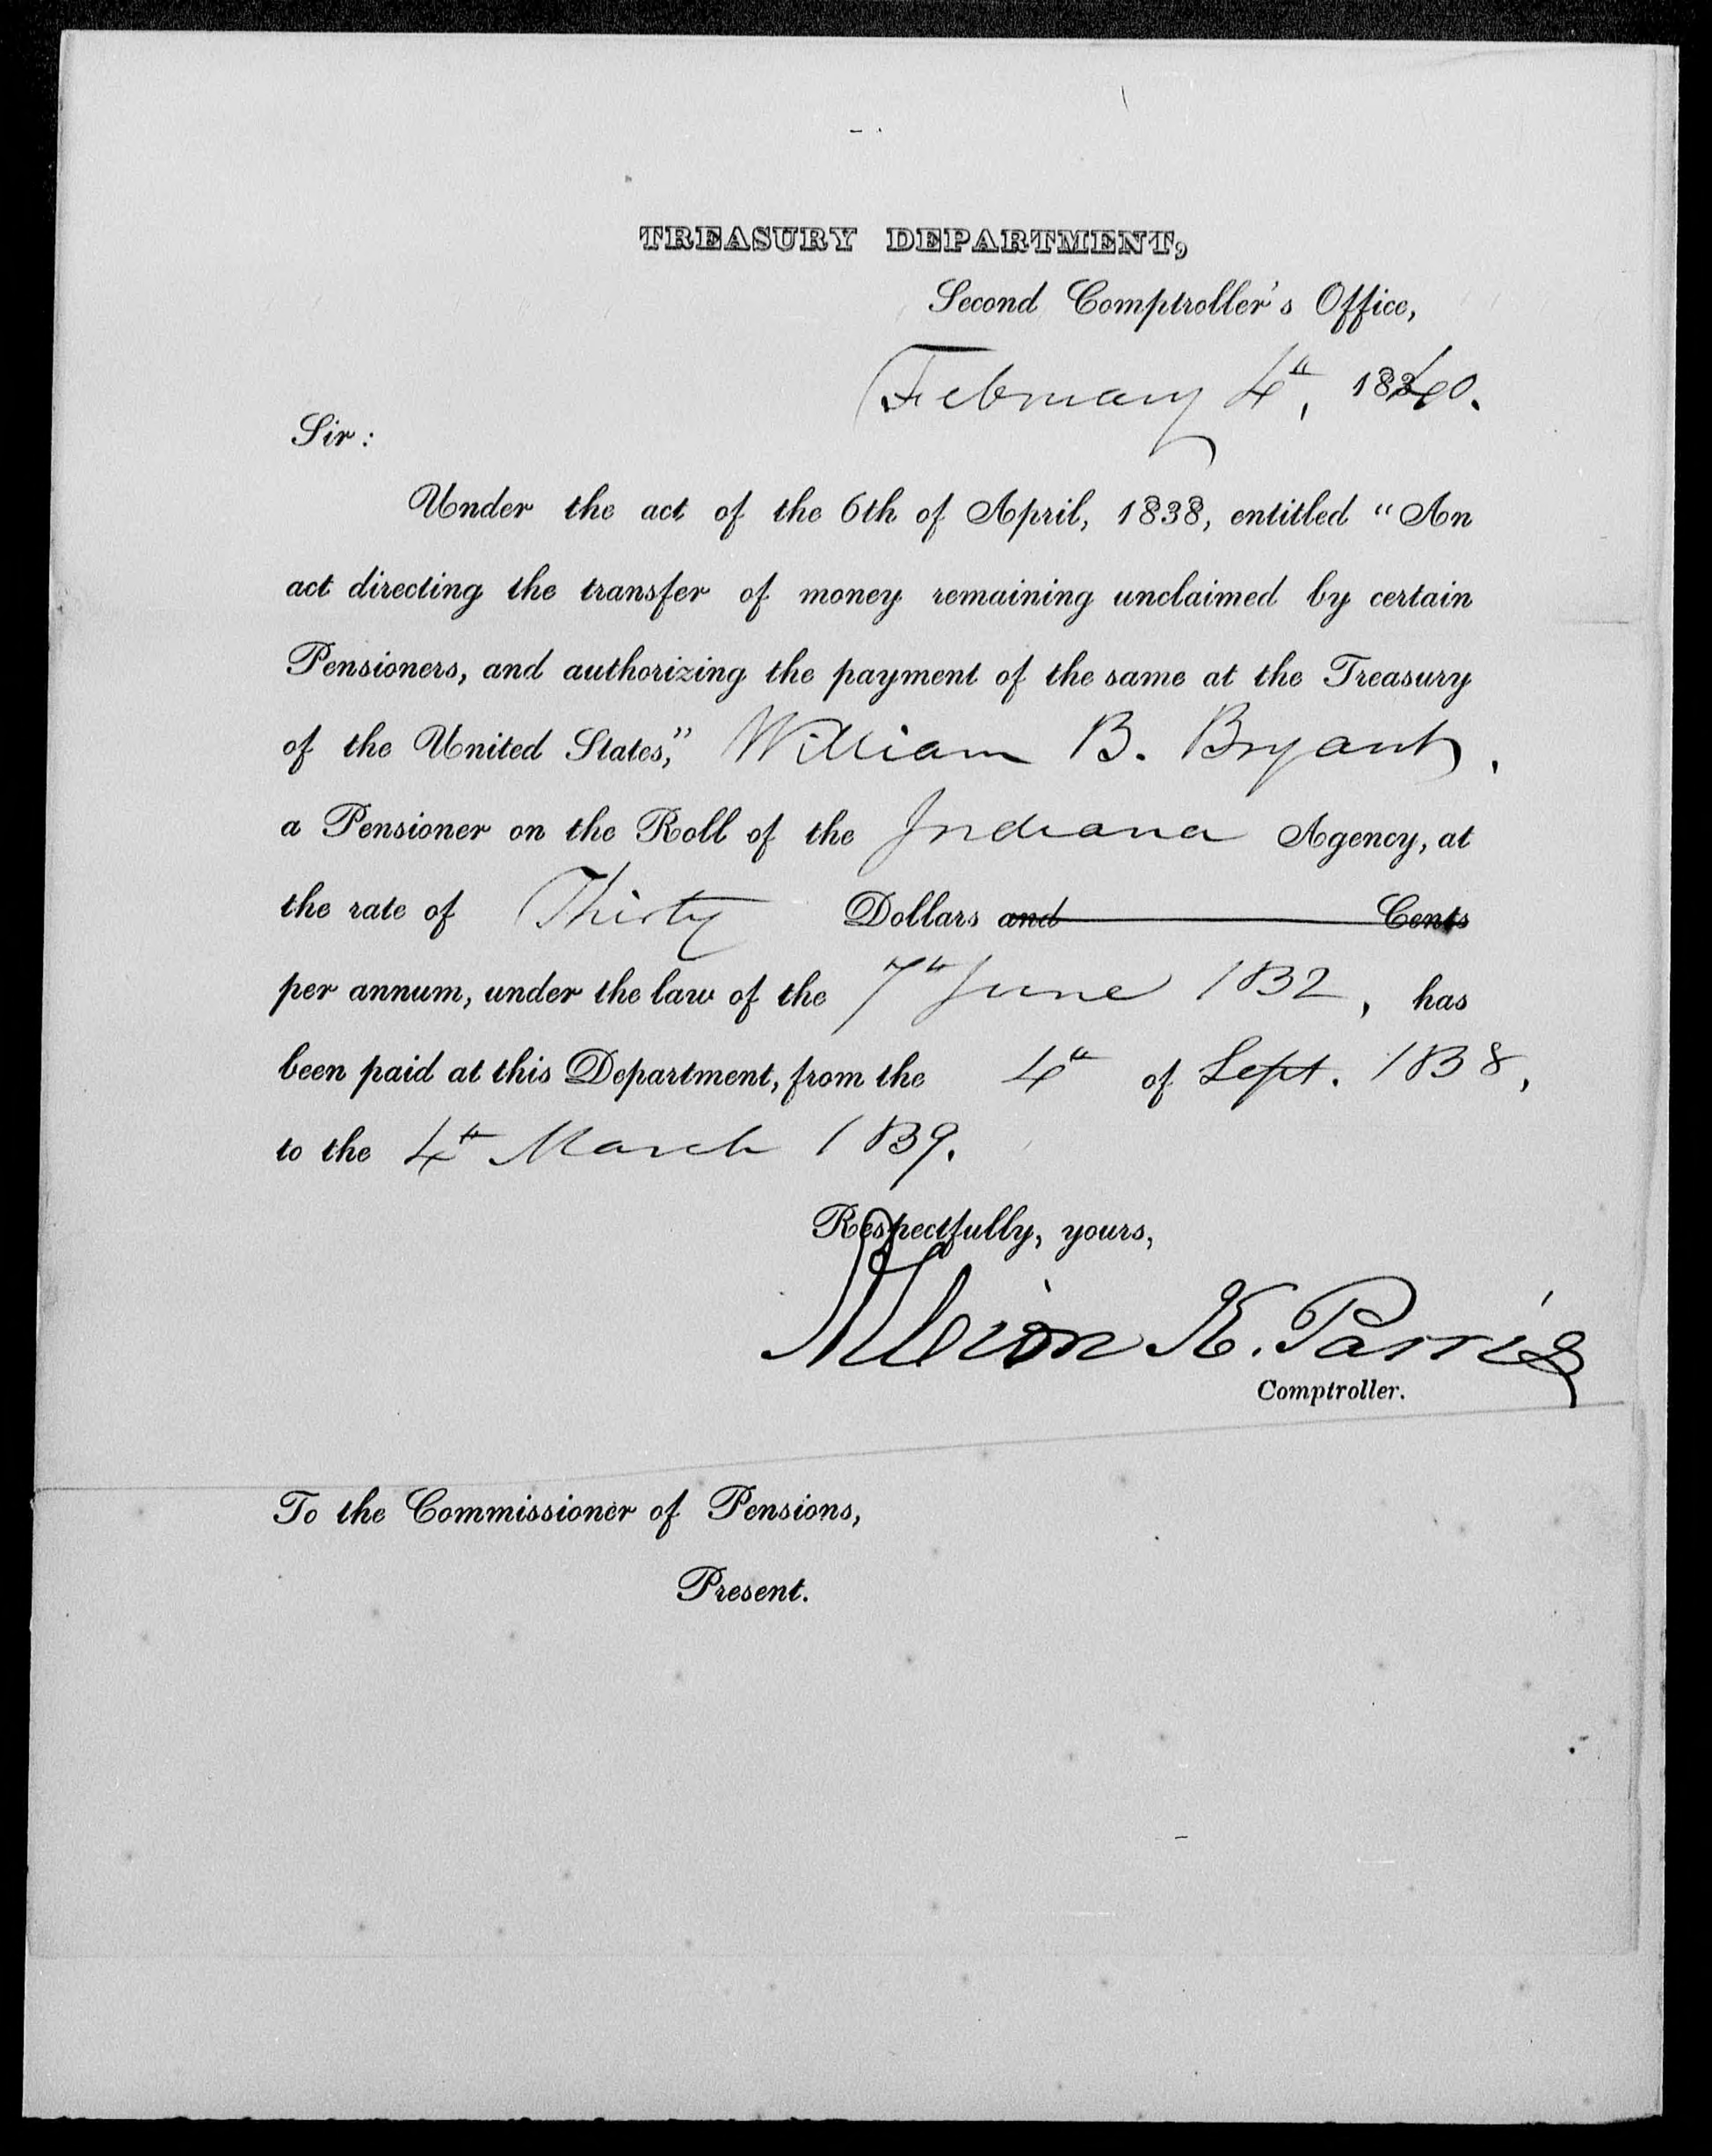TREASURY DEPARTMENT
Second Comptroller's Office
February 4th, 1840
Sir:
Under the act of the 6th of April, 1838 entitled "An act directing the transfer of money remaining unclaimed by certain Pensioners, and authorizing the payment of the same at the Treasury of the United States," William B. Bryant, a Pensioner on the Roll of the Indiana Agency at the rate of Thirty Dollars and - Cents per annum, under the law of the 7th June 1832, has been paid at this Department, from the 4th Sept. 1838, to the 4th March 1839.
Respectfully yours,
Albion K. Parris
Comptroller

To the Commissioner of Pensions,
Present.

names: Albion K Parris, William B Bryant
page: 20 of 31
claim: survivor's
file: S. 3049, William G Bryant, Va.